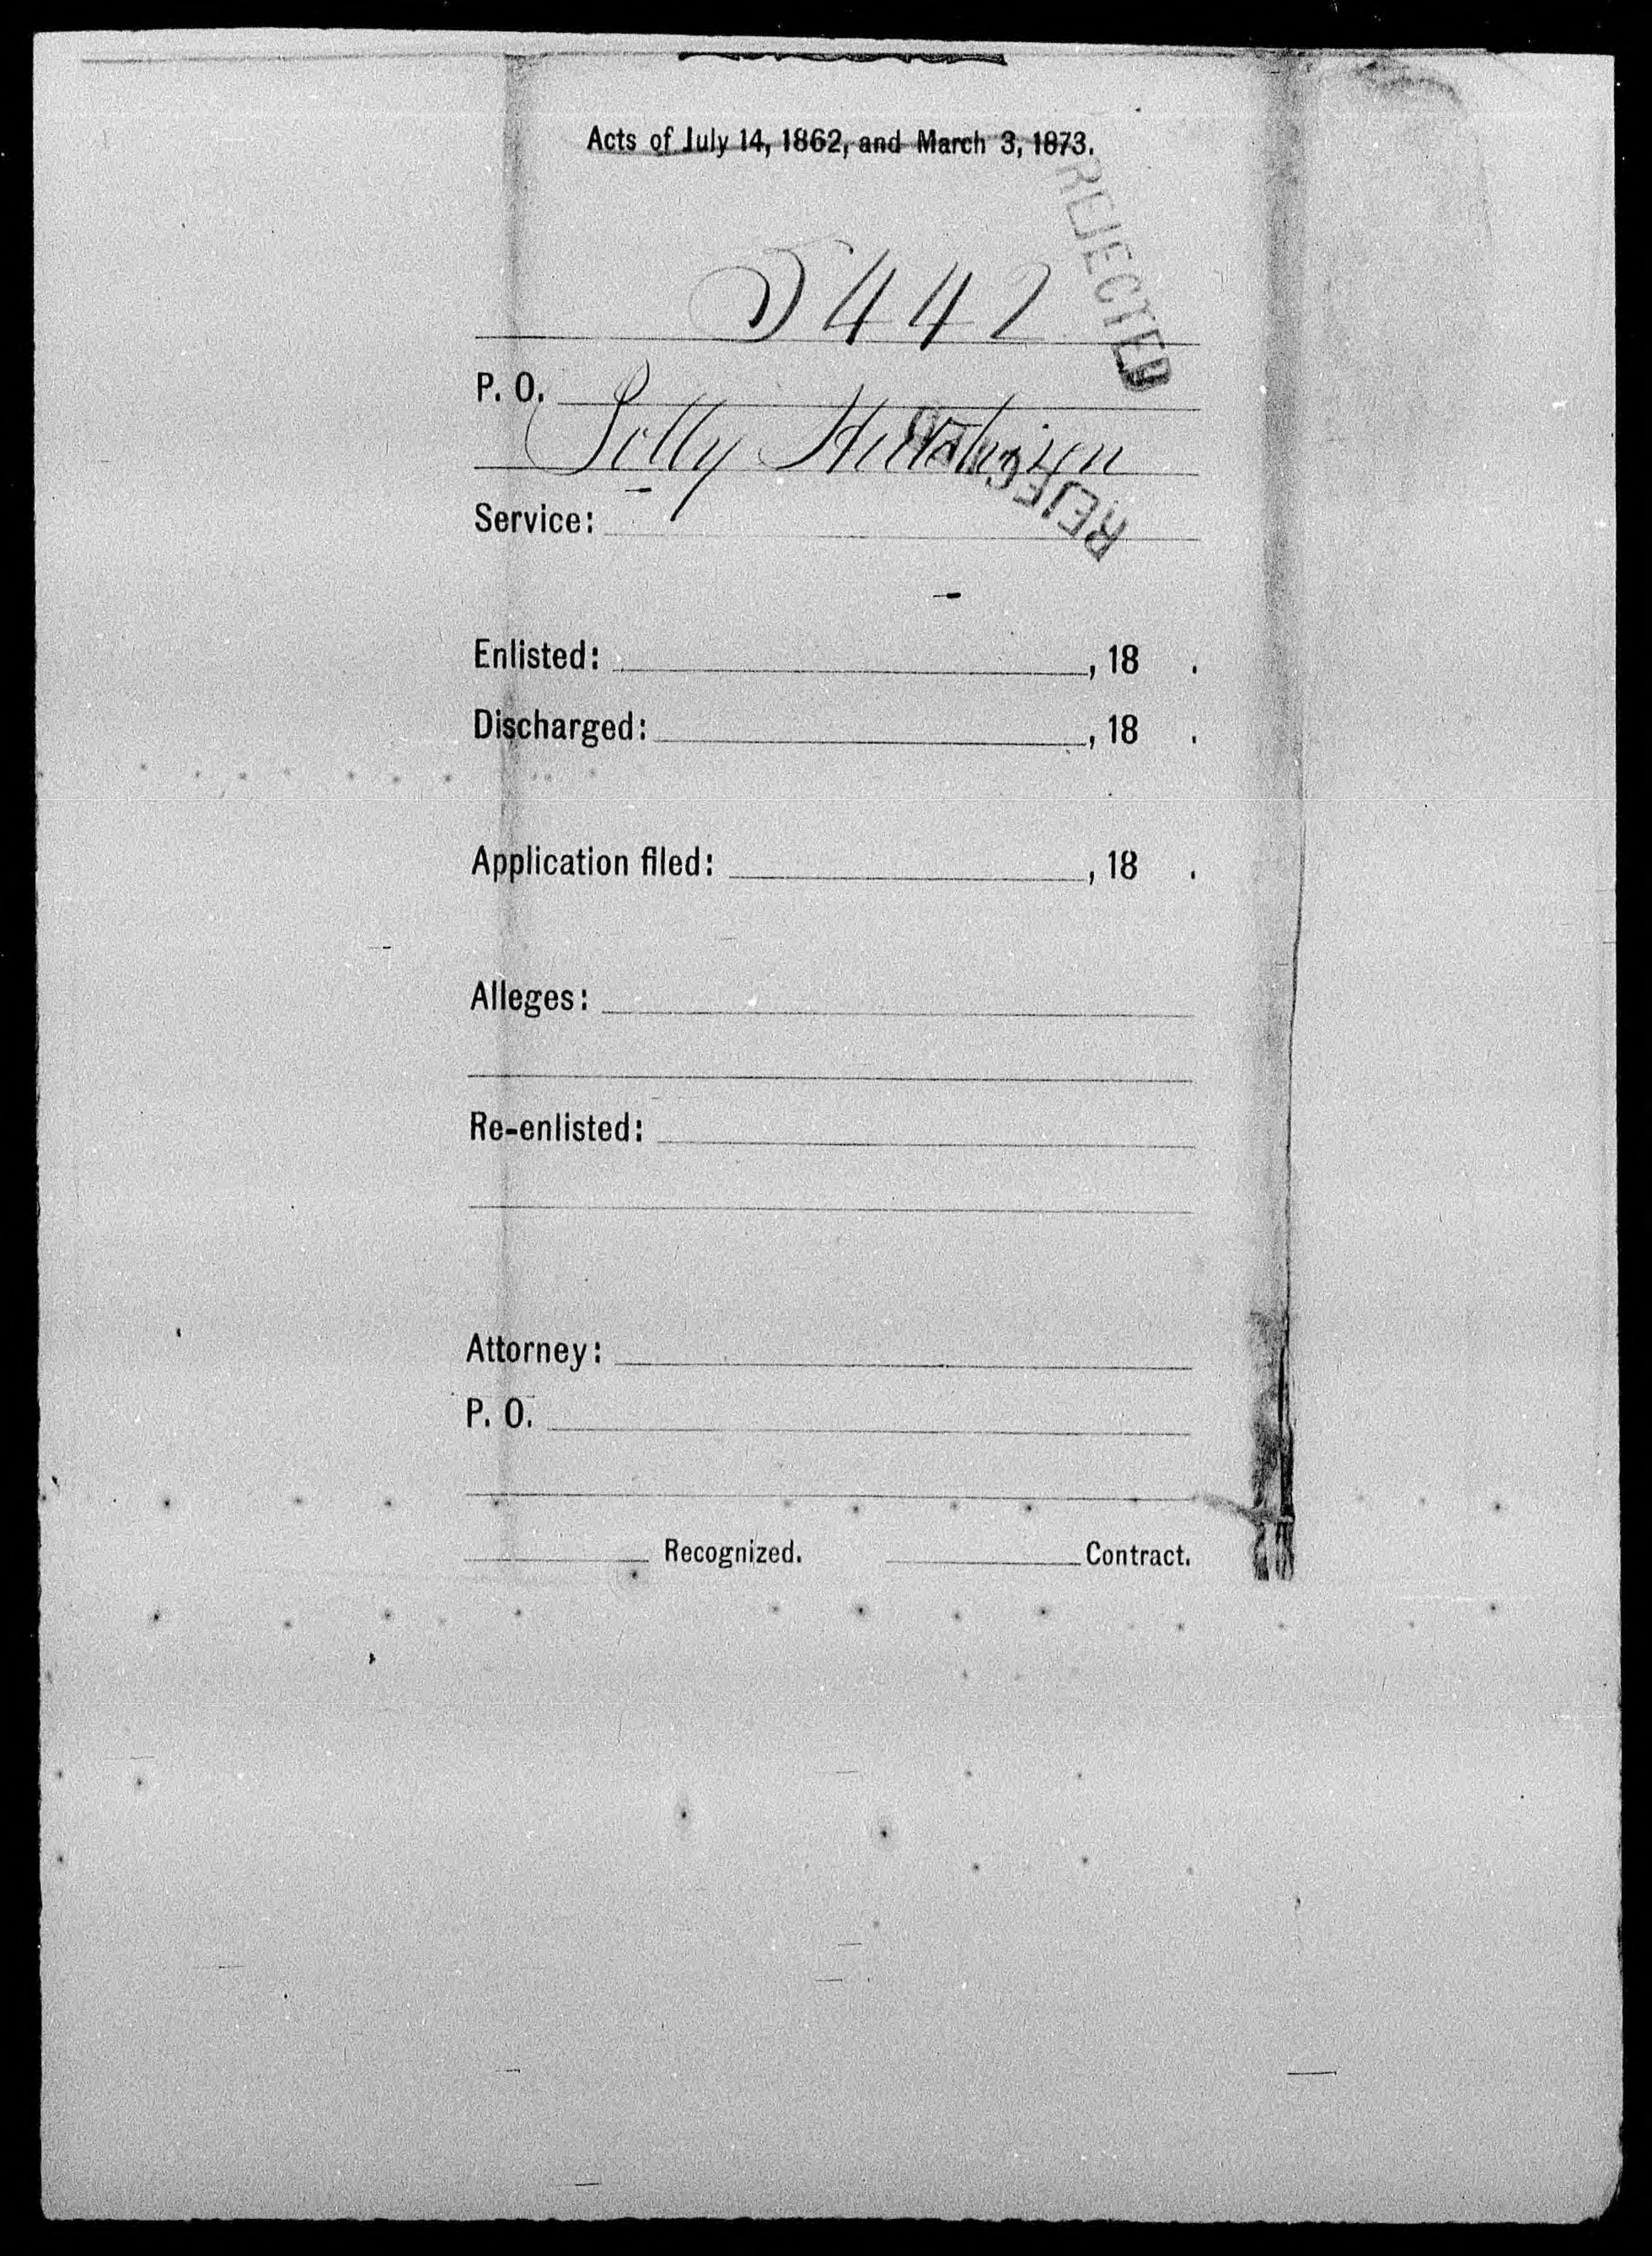[typed form, with handwritten responses]

[crossed out] Acts of July 14, 1862, and March 3, 1873

[Stamped sideways twice] REJECTED

5442
P. O. 
Polly Hutchison

Service: _________

Enlisted: ____ ,18
Discharged: _____ ,18

Application filed: _____ ,18

Alleges: ______

Re-enlisted: ______

Attorney: ____
P. O. ____
___Recognized.  _____ Contract.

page: 11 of 19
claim: rejected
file: R. 5442, for Samuel Hutchison, Virginia